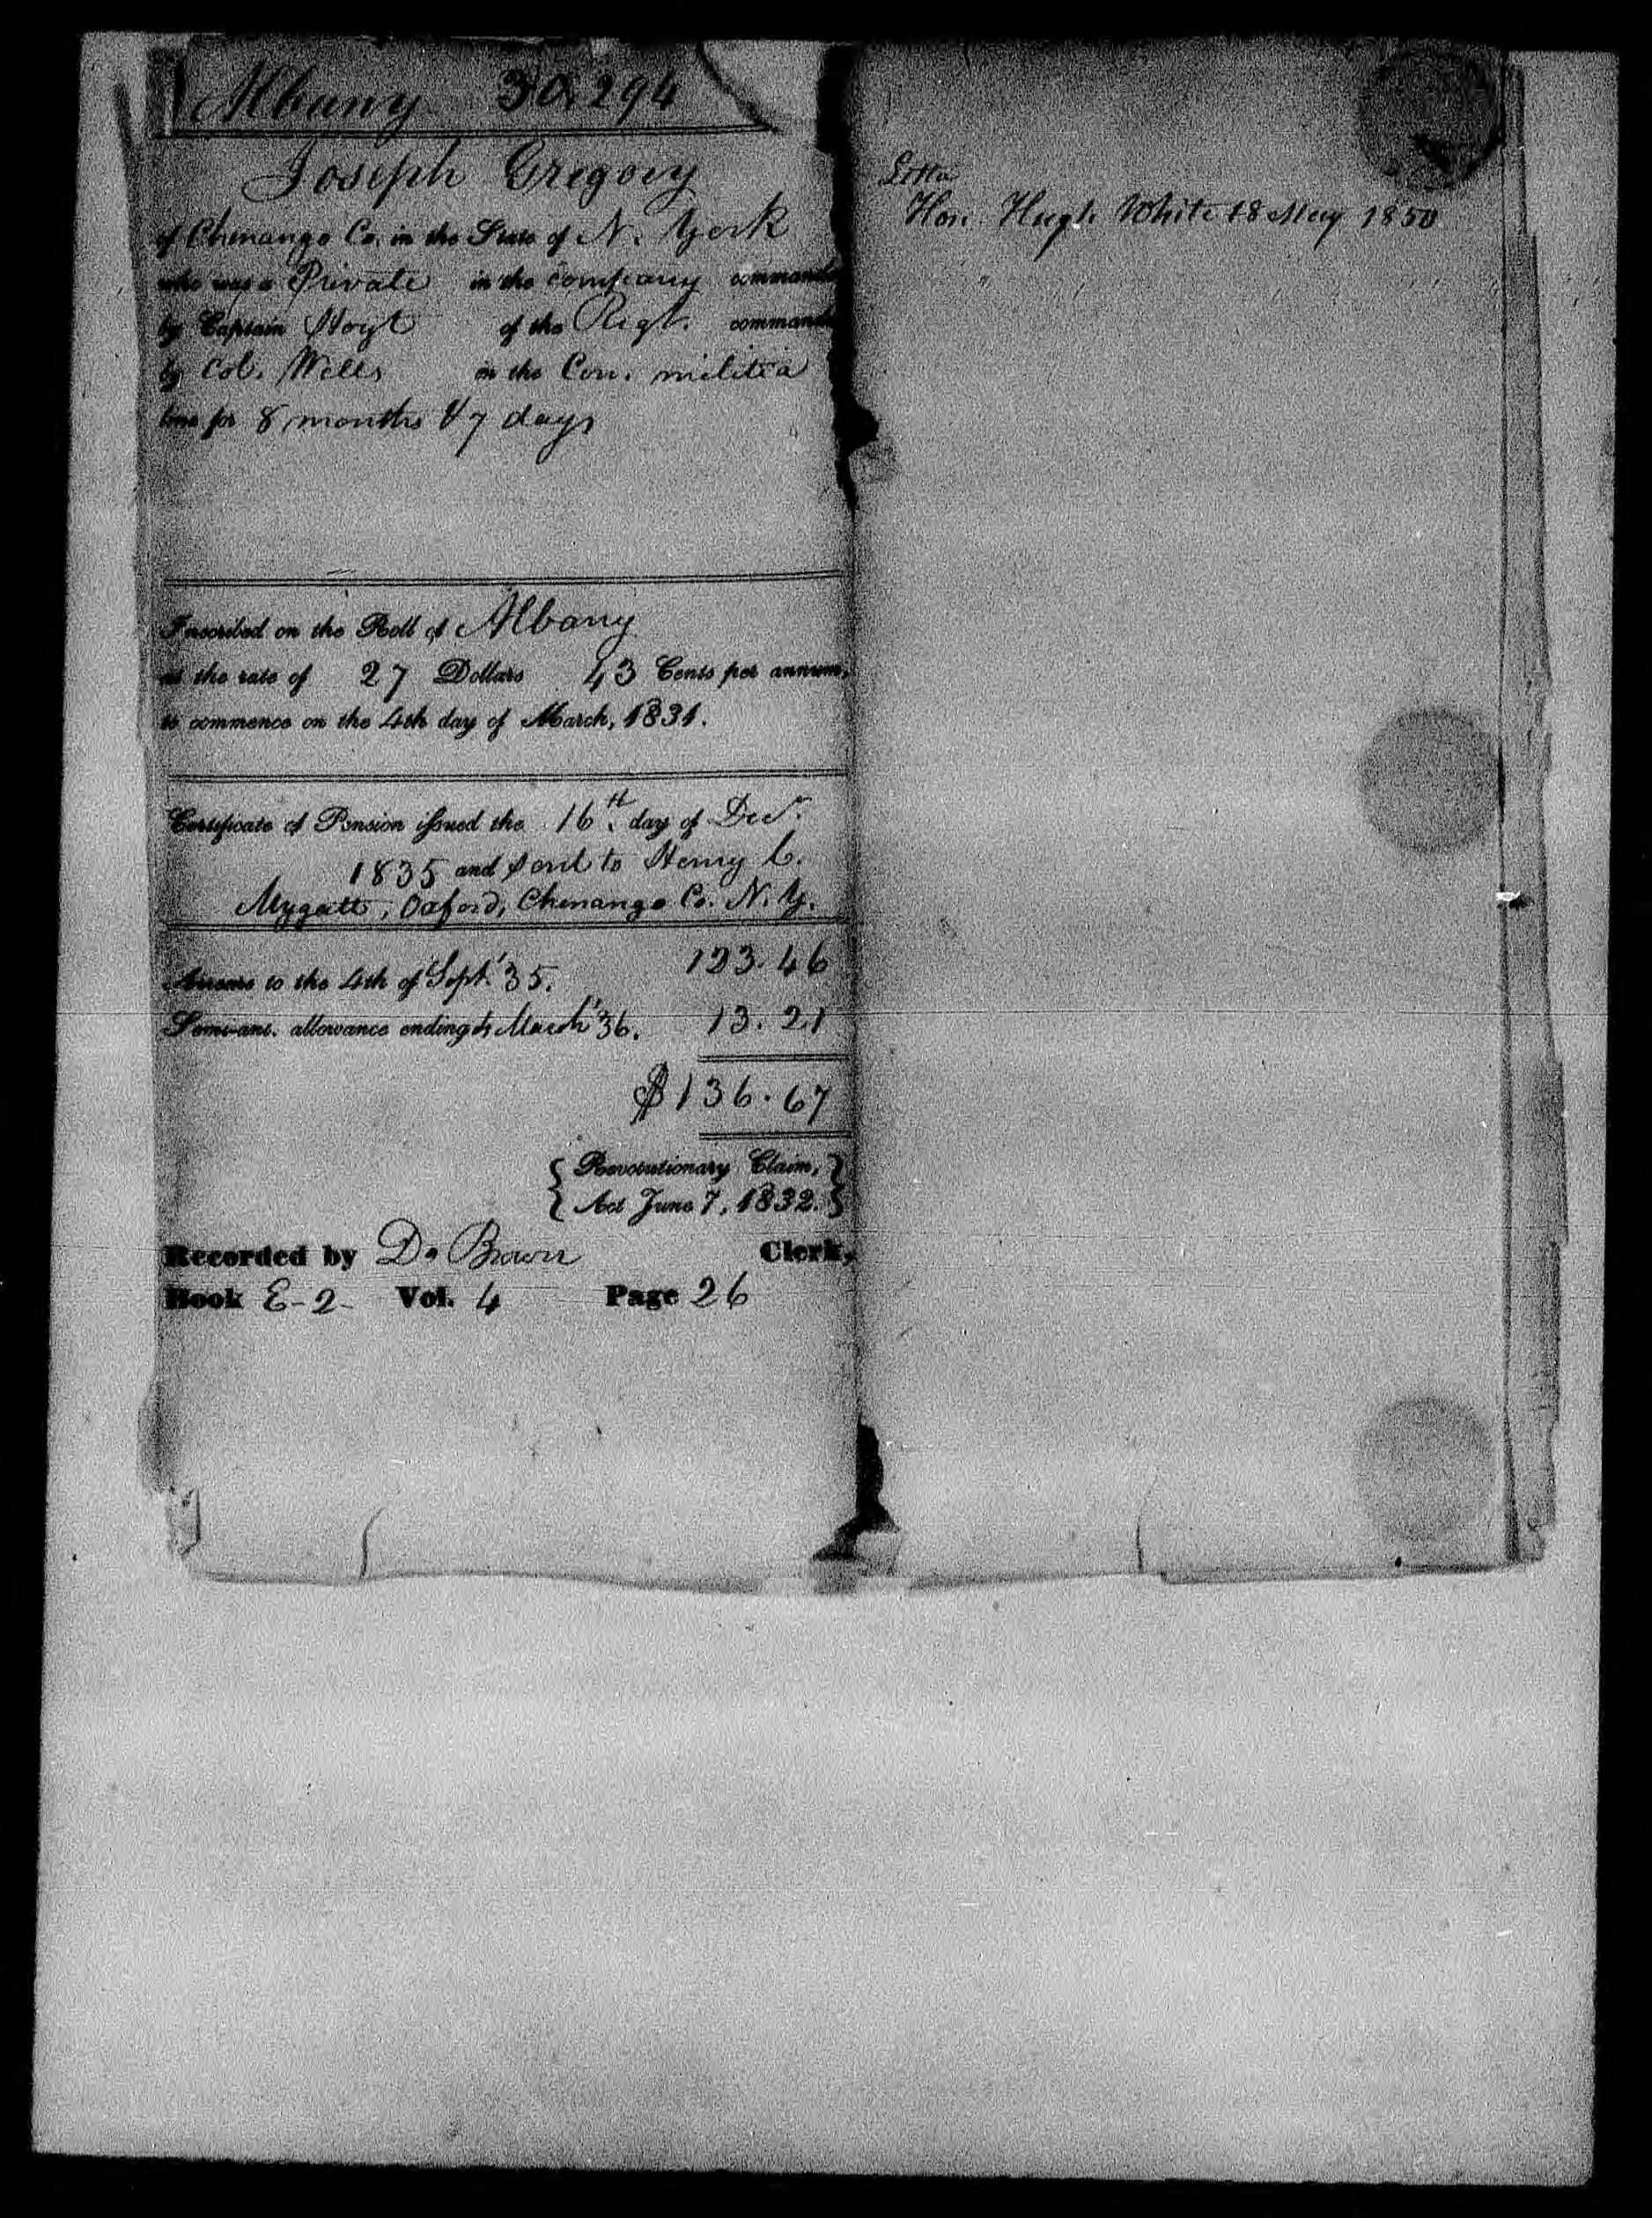Albany  30,294
 _____________
Joseph Gregory
Of Chenango Co in the State of N. York
who was a Private in the company  commanded by Captain Hoyt of the Regt. commanded 
by Col. Wells in the Con, militia 
line for 8 months & 7 days
_______________
Inscribed on the Roll of Albany
at the rate of 27 Dollars 43 Cents per annum
to commence on the 4th day of March, 1831.
____________
Certificate of Pension issued the 16th day of Decr. 1835 and sent to Henry C.  Mygatt, Oxford, Chenango Co, N.Y.
____________
Arrears to the 4th pf Sept. '35.        123.46
Semi-anl. allowance ending             13.21
March '36.                                      ________
                                                    $ 136.67
                                   {Revolutionary Claim
                                     Act June 7, 1832.}

Recorded by D. Brown    Clerk,
Book E - 2 -   Vol/ 4   Page 26      


[RIGHT PAGE]

                          [Stamp, upper right corner
]
Letter
Hon Hugh White 18 May 1850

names: Hugh White, D Brown, Henry C Mygatt, Wells, Joseph Gregory, Hoyt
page: 2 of 34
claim: widow's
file: W. 1596, Joseph Gregory, Conn.